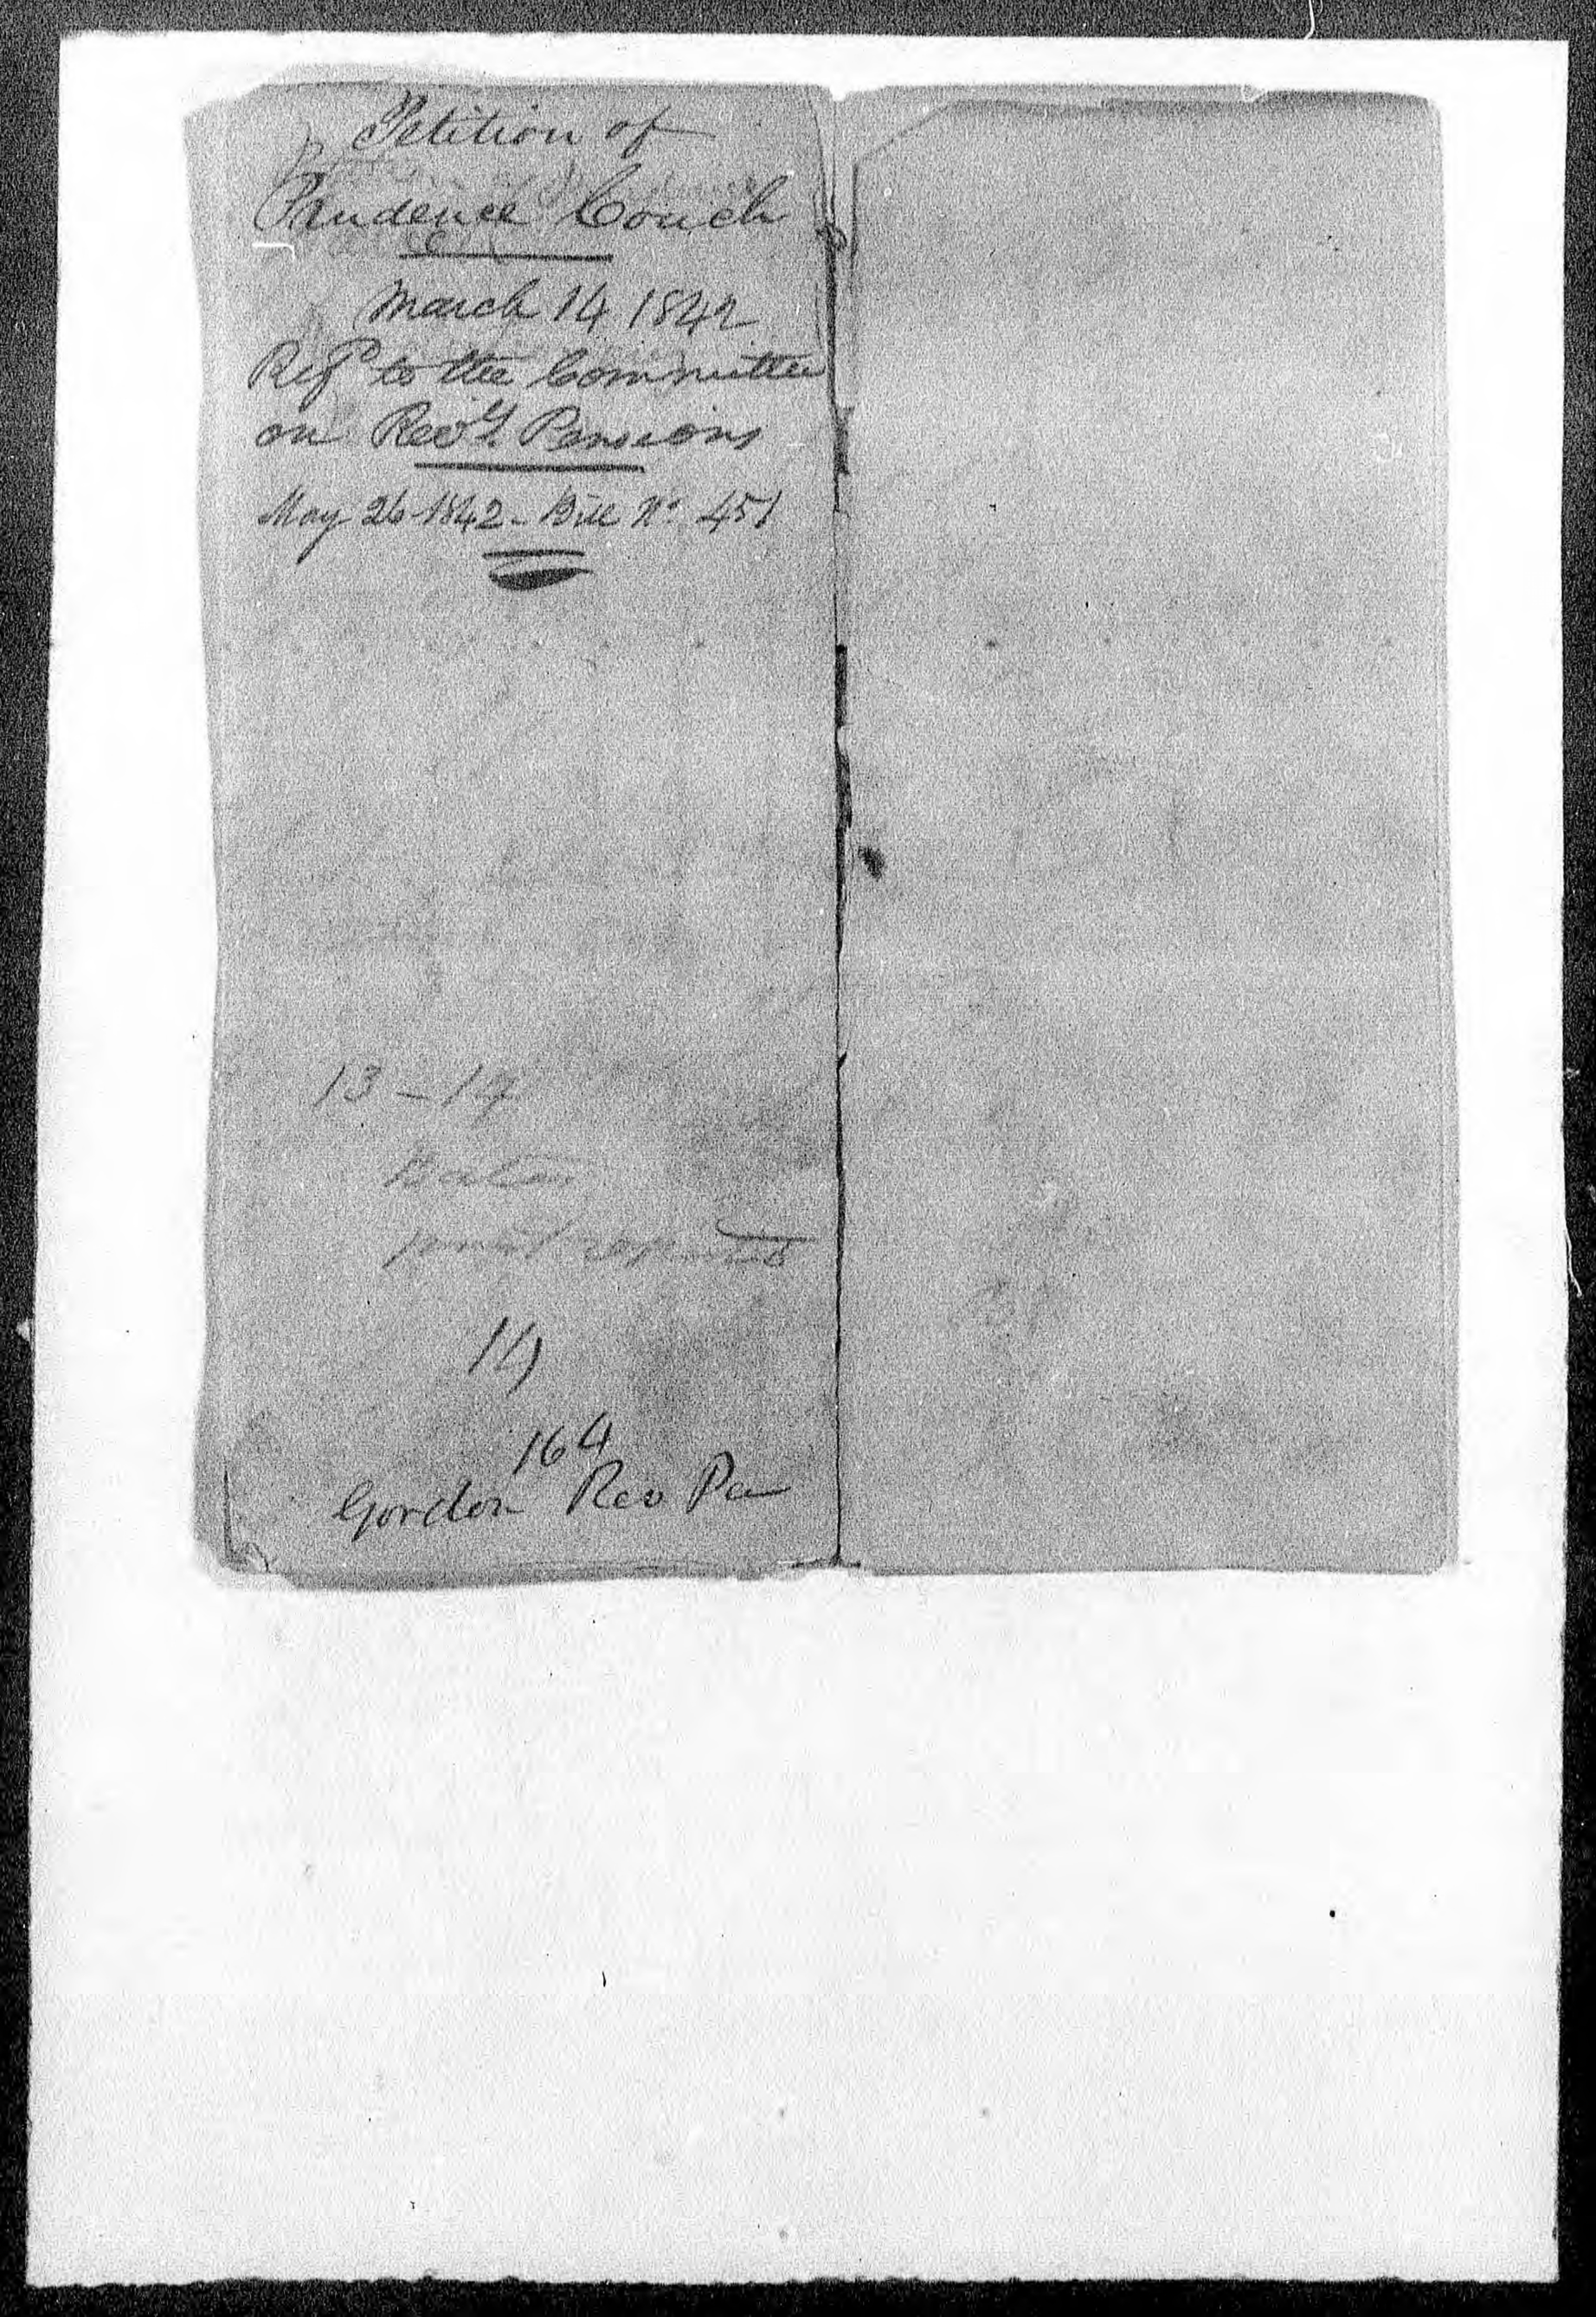Petition of 
Prudence Couch
March 14 1842
Refd to the Committee on Rev. Pensions
May 26, 1842- Bill No. 451

13-14
Dates print reported
14
164
Gordon Rev Pen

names: Prudence Couch, Gordon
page: 67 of 68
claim: rejected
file: R. 2,360, John Couch, Conn.